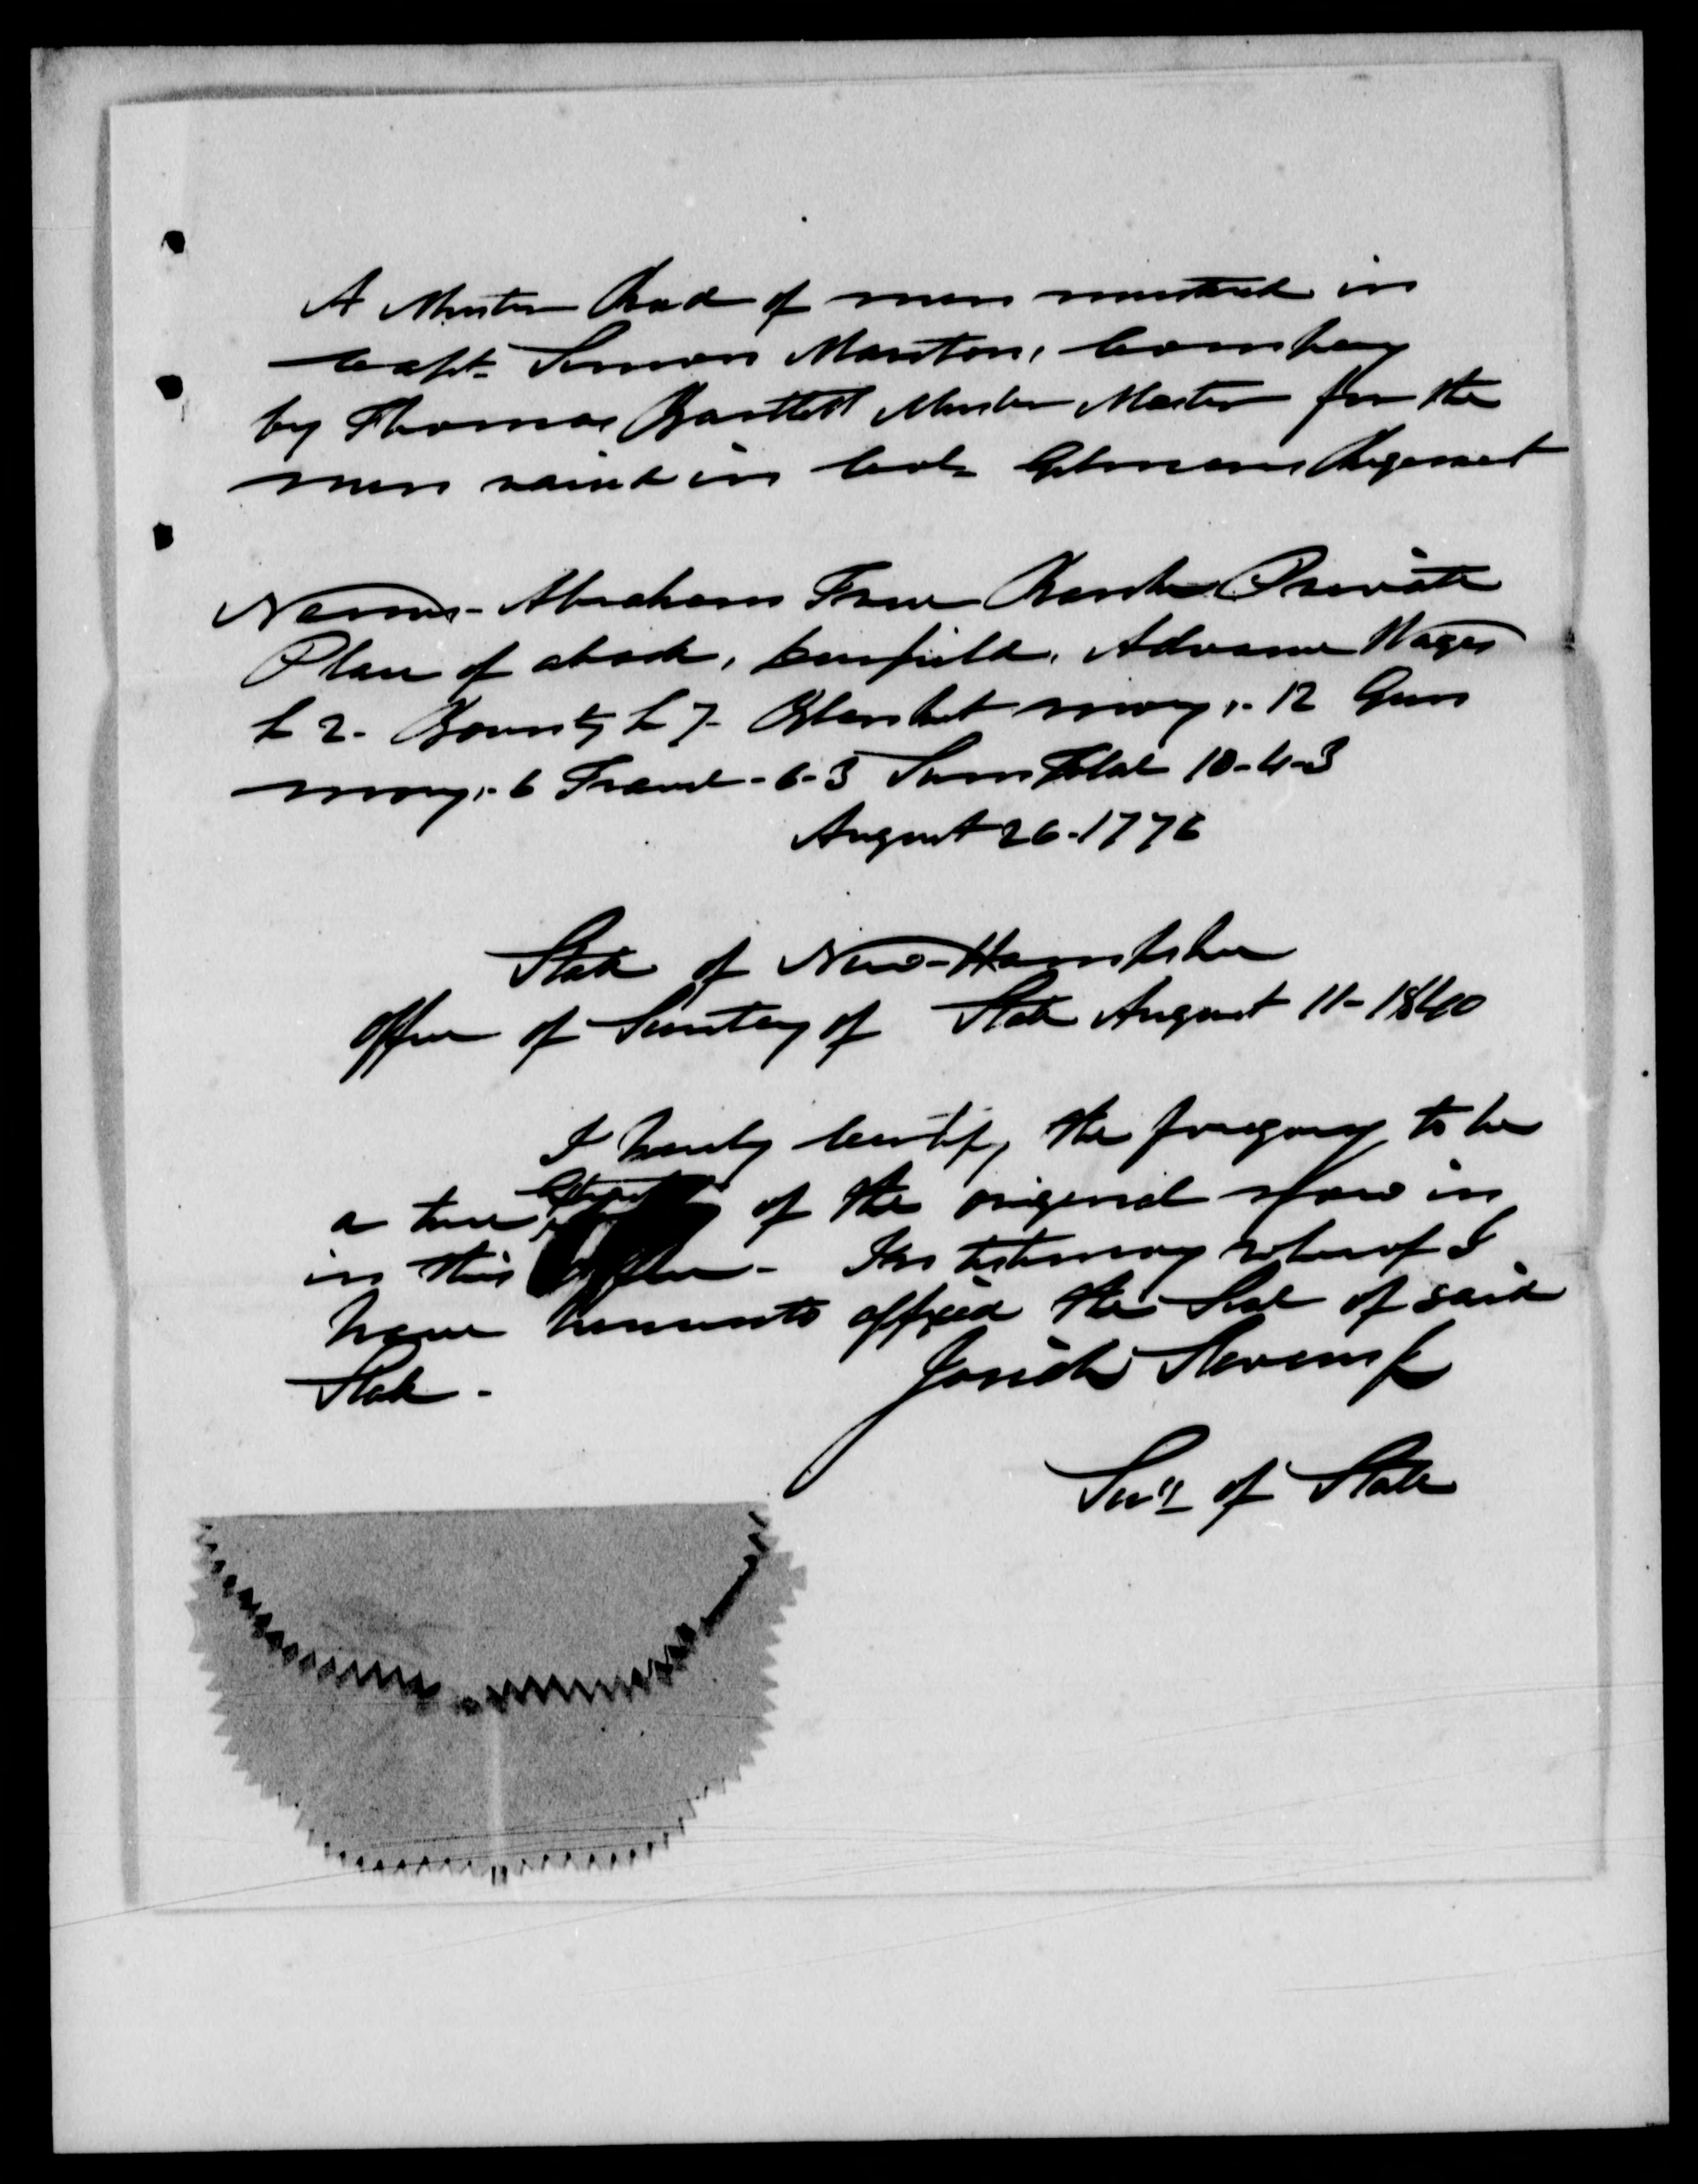Capt {   ] Marston, 
by Thomas Bartlett Muster Master for the



News Abraham True [ ] Private
Plau of aback, Deerfield, Advanced wages
L 2.

                             August 26 1776

State of New-Hampshire
Office of the Secretary of State August 11-1840

I hereby testify the forgoing to be
a true  of the original [  ] in
in this office.  This Testimony wereof I 
have hereunto affixed the seal of said
State.          Josiah Stevens Jr.
                        Sec" of State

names: Thomas Bartlett, Abraham True, Josiah Stevens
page: 24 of 24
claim: widow's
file: W. 16,451, Abraham True, N.H.